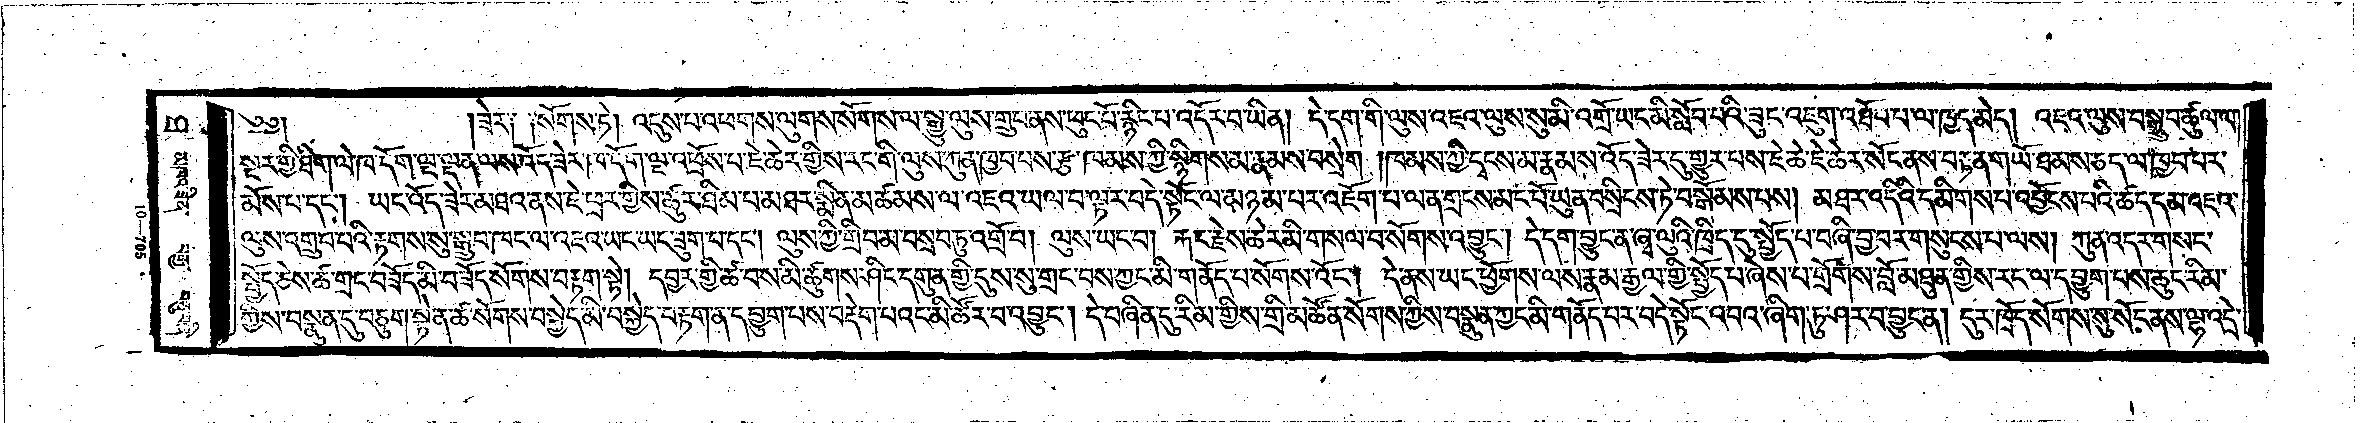༄༅། །ཟེར༑ ༑སོགས་ཏེ། འདུས་པ་འཕགས་ལུགས་སོགས་ལ་སྒྱུ་ལུས་གྲུབ་ནས་ཕུང་པོ་རྙིང་པ་འདོར་བ་ཡིན། དེ་དག་གི་ལུས་འཇའ་ལུས་སུ་མི་འགྲོ་ཡང་མི་སློབ་པའི་ཟུང་འཇུག་འཐོབ་པ་ལ་ཁྱད་མེད། འཇའ་ལུས་བསྒྲུབ་ཚུལ་ལ།
སྔར་གྱི་ཐིག་ལེ་ཁ་དོག་ལྔ་ལྡན་ལས་འོད་ཟེར་ཁ་དོག་ལྔ་འཕྲོས་བ་ཇེ་ཆེར་གྱིས་རང་གི་ལུས་ཀུན་ཁྱབ་པས་རྩ་ཁམས་ཀྱི་སྙིགས་མ་རྣམས་བསྲེག །ཁམས་ཀྱི་དྭངས་མ་རྣམས་འོད་ཟེར་དུ་གྱུར་པས་ཇེ་ཆེ་ཇེ་ཆེར་སོང་ནས་བརྟན་གཡོ་ཐམས་ཅད་ལ་ཁྱབ་པར་
མོས་པ་དང་། ཡང་འོད་ཟེར་མཐའ་ནས་ཇེ་ཕྲར་གྱིས་ཚུར་ཐིམ་པ་མཐར་སྨིན་མཚམས་ལ་འཇའ་ཡལ་བ་ལྟར་བདེ་སྟོང་ལ་མཉམ་པར་འཇོག་པ་ལན་གྲངས་མང་པོ་ཡུན་བསྲིངས་ཏེ་བསྒོམས་པས། མཐར་འདིའི་དམིགས་པ་འབྱོངས་པའི་ཚད་དམ་འཇའ་
ལུས་འགྲུབ་པའི་རྟགས་སུ་སྒྲུབ་ཁང་ལ་འཇའ་ཡང་ཡང་ཟུག་པ་དང་། ལུས་ཀྱི་གྲིབ་མ་བསྲབ་ཏུ་འགྲོ་བ། ལུས་ཡང་བ། རྐང་རྗེས་ཆེར་མི་གསལ་བ་སོགས་འབྱུང་། དེ་དག་བྱུང་ན་ཞྭ་ལུའི་ཁྲིད་དུ་སྤྱོད་པ་བཞི་བྱ་བར་གསུངས་པ་ལས། ཀུན་འདར་གསང་
སྤྱོད་ཅེས་ཚ་གྲང་བཟོད་མི་བཟོད་སོགས་བརྟག་སྟེ། དབྱར་གྱི་ཚ་བས་མི་ཚུགས་ཤིང་དགུན་གྱི་དུས་སུ་གྲང་བས་ཀྱང་མི་གནོད་བ་སོགས་འོང་། དེ་ནས་ཡང་ཕྱོགས་ལས་རྣམ་རྒྱལ་གྱི་སྤྱོད་པ་ཞེས་པ་གྲོགས་བློ་མཐུན་གྱིས་རང་ལ་དབྱུག་པས་ཆུང་རིམ་
གྱིས་བསྣུན་དུ་བཅུག་སྟེ་ན་ཚ་སོགས་བསྐྱེད་མི་བསྐྱེད་བརྟག་ན་དབྱུག་པས་བརྡེག་པའང་མི་ཚོར་བ་འབྱུང་། དེ་བཞིན་དུ་རིམ་གྱིས་གྲི་མཚོན་སོགས་ཀྱིས་བསྣུན་ཀྱང་མི་གནོད་བར་བདེ་སྟོང་འབའ་ཞིག་ཏུ་ཤར་བ་བྱུང་ན། དུར་ཁྲོད་སོགས་སུ་སོང་ནས་ལྷ་འདྲེ་